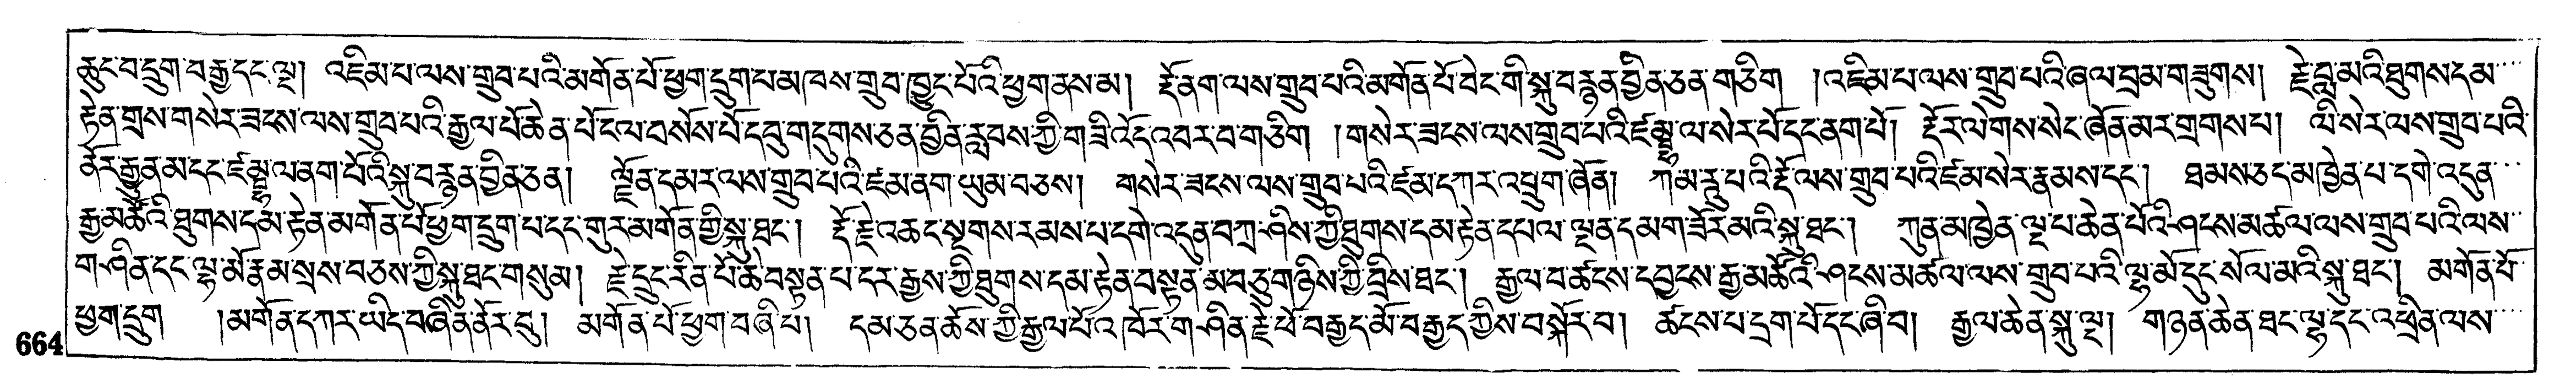ཆུང་བ་དྲུག་བརྒྱ་དང་ལྔ། འཇིམ་པ་ལས་གྲུབ་པའི་མགོན་པོ་ཕྱག་དྲུག་པ་མཁས་གྲུབ་ཁྱུང་པོའི་ཕྱག་ནས་མ། རྡོ་ནག་ལས་གྲུབ་པའི་མགོན་པོ་བེང་གི་སྐུ་བརྙན་བྱིན་ཅན་གཅིག །འཇིམ་པ་ལས་གྲུབ་པའི་ཞལ་བྲམ་གཟུགས། རྗེ་བླ་མའི་ཐུགས་དམ་
རྟེན་གྲས་གསེར་ཟངས་ལས་གྲུབ་པའི་རྒྱལ་པོ་ཆེན་པོ་ངལ་བསོས་པོ་དབུ་གདུགས་ཅན་བྱིན་རླབས་ཀྱི་གཟི་འོད་འབར་བ་གཅིག །གསེར་ཟངས་ལས་གྲུབ་པའི་ཛམྦྷ་ལ་སེར་པོ་དང་ནག་པོ། རྡོར་ལེགས་སེང་ཞོན་མར་གྲགས་པ། ལི་སེར་ལས་གྲུབ་པའི་
ནོར་རྒྱུན་མ་དང་ཛམྦྷ་ལ་ནག་པོའི་སྐུ་བརྙན་བྱིན་ཅན། ལྗོན་དམར་ལས་གྲུབ་པའི་ཛམ་ནག་ཡུམ་བཅས། གསེར་ཟངས་ལས་གྲུབ་པའི་ཛམ་དཀར་འབྲུ་གཞོན། ཀམ་རཱུ་པའི་རྡོ་ལས་གྲུབ་པའི་ཛམ་སེར་རྣམས་དང་། ཐམས་ཅད་མཁྱེན་པ་དགེ་འདུན་
རྒྱ་མཚོའི་ཐུགས་དམ་རྟེན་མགོན་པོ་ཕྱག་དྲུག་པ་དང་གུར་མགོན་གྱི་སྐུ་ཐང་། རྡོ་རྗེ་འཆང་སྔགས་རམས་པ་དགེ་འདུན་བཀྲ་ཤིས་ཀྱི་ཐུགས་དམ་རྟེན་དཔལ་ལྡན་དམག་ཟོར་མའི་སྐུ་ཐང་། ཀུན་མཁྱེན་ལྔ་པ་ཆེན་པོའི་ཤངས་མཚལ་ལས་གྲུབ་པའི་ལས་
གཤིན་དང་ལྷ་མོ་རྣམ་སྲས་བཅས་ཀྱི་སྐུ་ཐང་གསུམ། རྗེ་དྲུང་རིན་པོ་ཆེ་བསྟན་པ་དར་རྒྱས་ཀྱི་ཐུགས་དམ་རྟེན་བསྟན་མ་བཅུ་གཉིས་ཀྱི་བྲིས་ཐང་། རྒྱལ་བ་ཚངས་དབྱངས་རྒྱ་མཚོའི་ཤངས་མཚལ་ལས་གྲུབ་བའི་ལྷ་མོ་དུང་སོལ་མའི་སྐུ་ཐང་། མགོན་པོ་
ཕྱག་དྲུག་པ། མགོན་དཀར་ཡིད་བཞིན་ནོར་བུ། མགོན་པོ་ཕྱག་བཞི་པ། དམ་ཅན་ཆོས་ཀྱི་རྒྱལ་པོ་འཁོར་གཤིན་རྗེ་ཕོ་བརྒྱད་མོ་བརྒྱད་ཀྱིས་བསྐོར་བ། ཚངས་པ་དྲག་བོ་དང་ཞི་བ། རྒྱལ་ཆེན་སྐུ་ལྔ། གཉན་ཆེན་ཐང་ལྷ་དང་འཕྲིན་ལས་